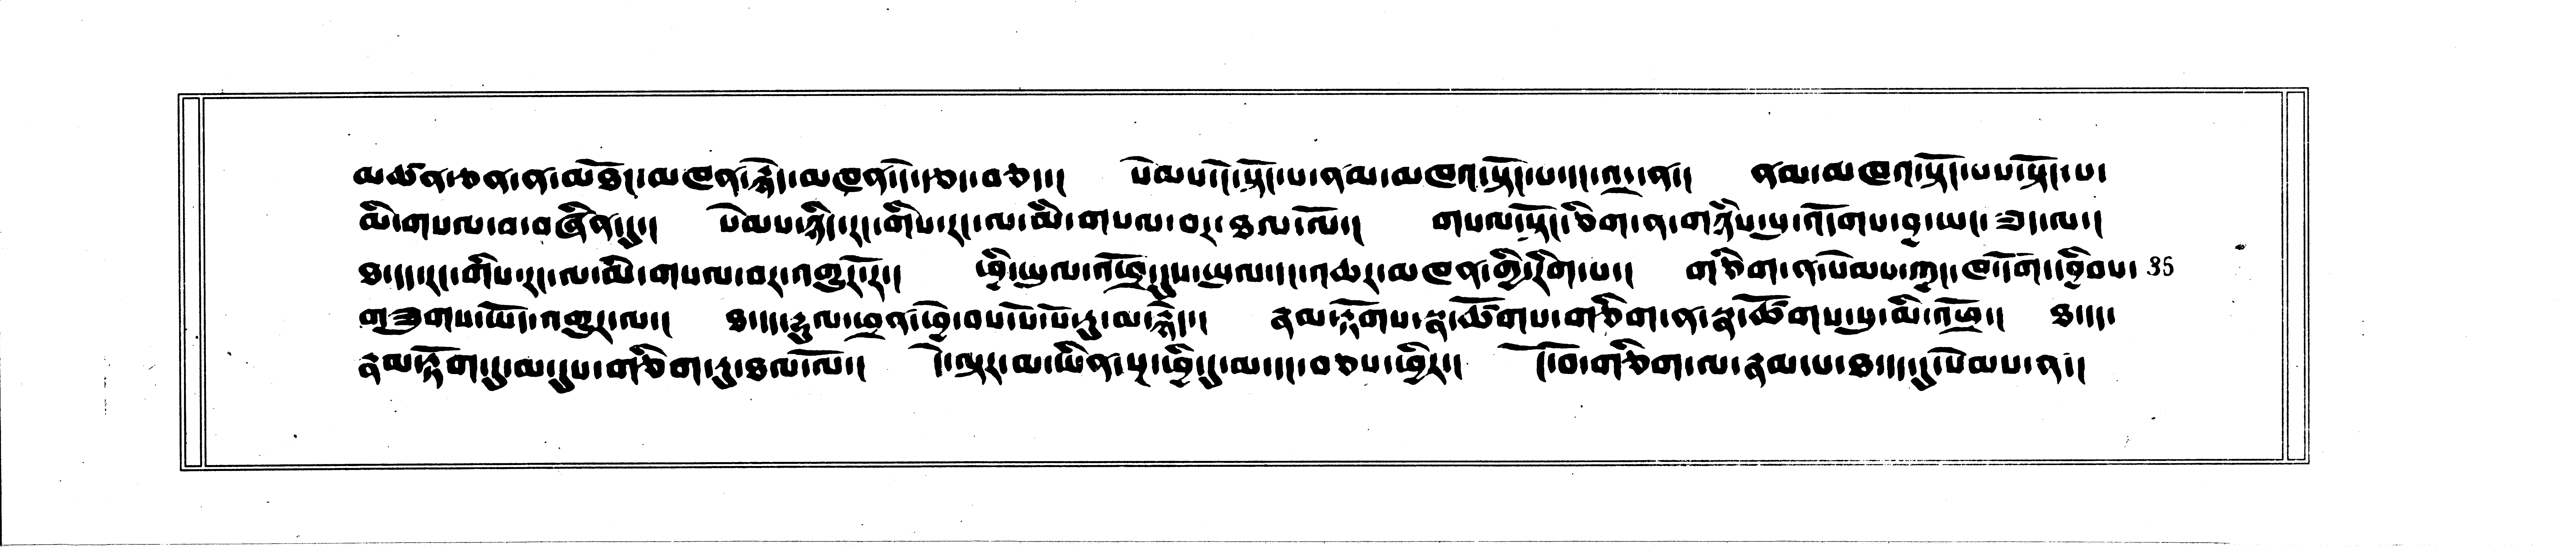མཚན་ཅན་ན་མཐོང་མཁན་རྙེད་མཁན་དེ་རྩད་བཅད། །སེམས་ངོ་སྟོང་པ་ནམ་མཁའ་སྟོང་པ་དང་འདྲ་ན། །ནམ་མཁའ་སྟོང་པས་སྟོང་པ་
མི་གསལ་བ་བཞིན་དུ། །སེམས་ཉིད་རང་གིས་རང་ལ་མི་གསལ་བར་ཐལ་ལོ། །གསལ་སྟོང་གཅིག་ན་གཉིས་སུ་གདག་བྱ་ཡང་ཟད་ལ། །
ཐ་དད་རང་གིས་རང་ལ་མི་གསལ་བར་འགྱུར་རོ། །ཕྱི་ཡུལ་འཕྲོ་དུས་ཡུལ་དང་འཆར་མཁན་གྱི་རིག་པ། །གཅིག་ན་སེམས་དང་ཁ་དོག་
གཟུགས་ཡོད་དུ་འགྱུར་ལ། །ཐ་དད་རྡུལ་ཕྲན་ཕྱེ་བས་སོ་སོ་རུ་མ་རྙེད། །རྣམ་རྟོག་སྣ་ཚོགས་གཅིག་ན་སྣ་ཚོགས་སུ་མི་འཕྲོ། །ཐ་དད་
རྣམ་རྟོག་དུ་མ་དུས་གཅིག་ཏུ་ཐལ་ལོ། །དེ་ལྟར་མ་ཡིན་སྔ་ཕྱི་དུ་མ་དང་བཅས་ཕྱིར། །ངོ་བོ་གཅིག་ལ་རྣམ་པ་ཐ་དད་དུ་སེམས་ན། །